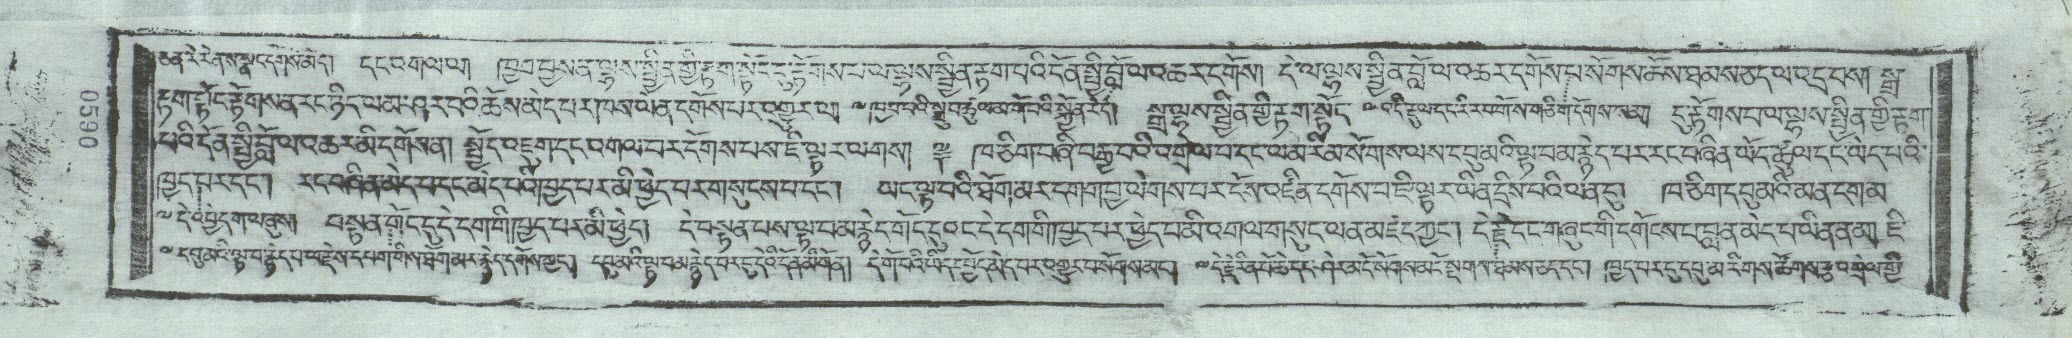ཅན་རེ་རེ་ནས་སྣང་དོགས་མེད། དང་འགལ་ལ། ཁྱབ་བྱས་ན་ལྷས་སྦྱིན་གྱི་རྟག་སྟོང་དུ་རྟོགས་པ་ལ་ལྷས་སྦྱིན་རྟག་པའི་དོན་སྤྱི་བློ་ལ་འཆར་དགོས། དེ་ལ་ལྷས་སྦྱིན་བློ་ལ་འཆར་དགོས་པ་སོགས་ཆོས་ཐམས་ཅད་ལ་འདྲ་བས། སྒྲ་
རྟག་སྟོང་རྟོགས་ན་རང་ཉིད་ལམ་ཤར་བའི་ཆོས་མེད་པར་ཁས་ལེན་དགོས་པར་འགྱུར་ལ། ༧ཁྱབ་པའི་སྒྲུབ་ཚུལ་མགོ་བའི་སྐྱོན་རེད།  སྒྲ་ལྷས་སྦྱིན་གྱི་རྟག་སྟོང་༧འདི་རྡུལ་དང་རི་རབ་གོས་གཅིག་དོགས་སམ།  དུ་རྟོགས་པ་ལ་ལྷས་སྦྱིན་གྱི་རྟག་
པའི་དོན་སྤྱི་བློ་ལ་འཆར་མི་དགོས་ན། སྤྱོད་འཇུག་དང་འགལ་བར་དོགས་པས་ཇི་ལྟར་ལགས། ༈ ཁ་ཅིག་བཞི་བརྒྱ་བའི་འགྲེལ་བ་དང་ལམ་རིམ་སོགས་ལས་དབུ་མའི་ལྟ་བ་མ་རྙེད་པར་རང་བཞིན་ཡོད་ཚུལ་དང་ཡོད་པའི་
ཁྱད་པར་དང་། རང་བཞིན་མེད་པ་དང་མེད་པའི་ཁྱད་པར་མི་ཕྱེད་པར་གསུངས་པ་དང་། ཡང་ལྟ་བའི་ཐོག་མར་དགག་བྱ་ལེགས་པར་ངོས་འཛིན་དགོས་པ་ཇི་ལྟར་ཡིན་དྲིས་པའི་ལན་དུ། ཁ་ཅིག་དབུ་མའི་མན་ངག་མ་
༧དེ་འབྱེད་གལ་ནུས།  བསྟན་གོང་དུ་དེ་དག་གི་ཁྱད་པར་མི་ཕྱེད། དེ་བསྟན་པས་ལྟ་བ་མ་རྙེད་གོང་དུའང་དེ་དག་གི་ཁྱད་པར་ཕྱེད་པ་མི་འགལ་གསུང་ལན་མཛད་ཀྱང་། དེ་རྗེ་དང་གཞུང་གི་དགོངས་བ་བླ་ན་མེད་པ་ཡིན་ནམ། ཇི་
༧དབུ་མའི་ལྟ་བ་རྙེད་བ་ལ་རྗེས་དཔག་གིས་ཐོག་མར་རྙེད་དགོས་ཀྱང་། དབུ་མའི་ལྟ་བ་མ་རྙེད་བ་བཅུ་དེའི་དོན་མི་གོ་ན། དེ་གོ་བའི་ཡིད་དཔྱོད་མེད་པར་འགྱུར་བ་སོགས་མང་། ༧དེ་རྗེ་རིན་པོ་ཆེ་དང་ཤེར་མདོ་སོགས་མདོ་སྔགས་ཐམས་ཅད་དང་། ཁྱད་པར་དུ་དབུ་མ་རིགས་ཚོགས་རྩ་འཕྲེལ་གྱི་